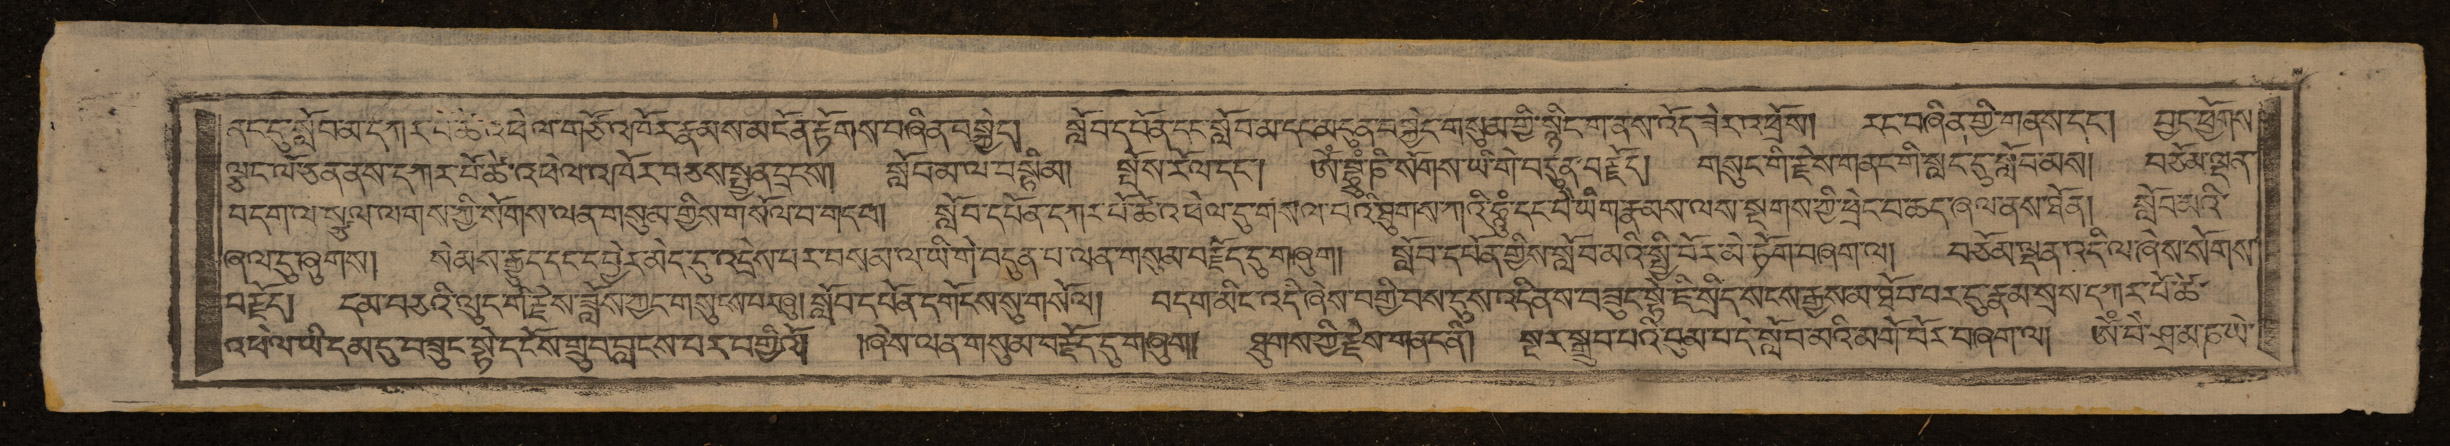ནང་དུ་སློབ་མ་དཀར་པོ་ཚེ་འཕེལ་གཙོ་འཁོར་རྣམས་མངོན་རྟོགས་བཞིན་བསྐྱེད། སློབ་དཔོན་དང་སློབ་མ་དང་མདུན་བསྐྱེད་གསུམ་གྱི་སྙིང་ག་ནས་འོད་ཟེར་འཕྲོས། རང་བཞིན་གྱི་གནས་དང་། བྱང་ཕྱོགས་
ལྕང་ལོ་ཅན་ནས་དཀར་པོ་ཚེ་འཕེལ་འཁོར་བཅས་སྤྱན་དྲངས། སློབ་མ་ལ་བསྟིམ། སྤོས་རོལ་དང་། ཨོཾ་བྷྲུཾ་ཎི་སོགས་ཡི་གེ་བདུན་བརྗོད། གསུང་གི་རྗེས་གནང་གི་སླང་དུ་སློབ་མས། བཅོམ་ལྡན་
བདག་ལ་སྩལ་ལགས་ཀྱི་སོགས་ལན་གསུམ་གྱིས་གསོལ་བ་གདབ། སློབ་དཔོན་དཀར་པོ་ཚེ་འཕེལ་དུ་གསལ་བའི་ཐུགས་ཀའི་ཧཱུཾ་དང་བཻ་ཡིག་རྣམས་ལས་སྔགས་ཀྱི་ཕྲེང་བ་ཆད་ཞལ་ནས་ཐོན། སློབ་མའི་
ཞལ་དུ་ཞུགས། སེམས་རྒྱུད་དང་དབྱེར་མེད་དུ་འདྲེས་པར་བསམ་ལ་ཡི་གེ་བདུན་པ་ལན་གསུམ་བརྗོད་དུ་གཞུག། སློབ་དཔོན་གྱིས་སློབ་མའི་སྤྱི་བོར་མེ་ཏོག་བཞག་ལ། བཅོམ་ལྡན་འདི་ལ་ཞེས་སོགས་
བརྗོད། དམ་བཅའི་ལུང་གི་རྗེས་ཟློས་ཀྱང་གསུངས་པར་ཞུ། སློབ་དཔོན་དགོངས་སུ་གསོལ། བདག་མིང་འདི་ཞེས་བགྱི་བས་དུས་འདི་ནས་བཟུང་སྟེ་ཇི་སྲིད་སངས་རྒྱས་མ་ཐོབ་པར་དུ་རྣམ་སྲས་དཀར་པོ་ཚེ་
འཕེལ་ཡི་དམ་དུ་བཟུང་སྟེ་དངོས་གྲུབ་བླངས་པར་བགྱིའོ། །ཞེས་ལན་གསུམ་བརྗོད་དུ་གཞུག། ཐུགས་ཀྱི་རྗེས་གནང་ནི། སྔར་སྒྲུབ་པའི་བུམ་པ་དེ་སློབ་མའི་མགོ་བོར་བཞག་ལ། ཨོཾ་བཻ་ཤྲ་མ་ཎ་ཡེ་